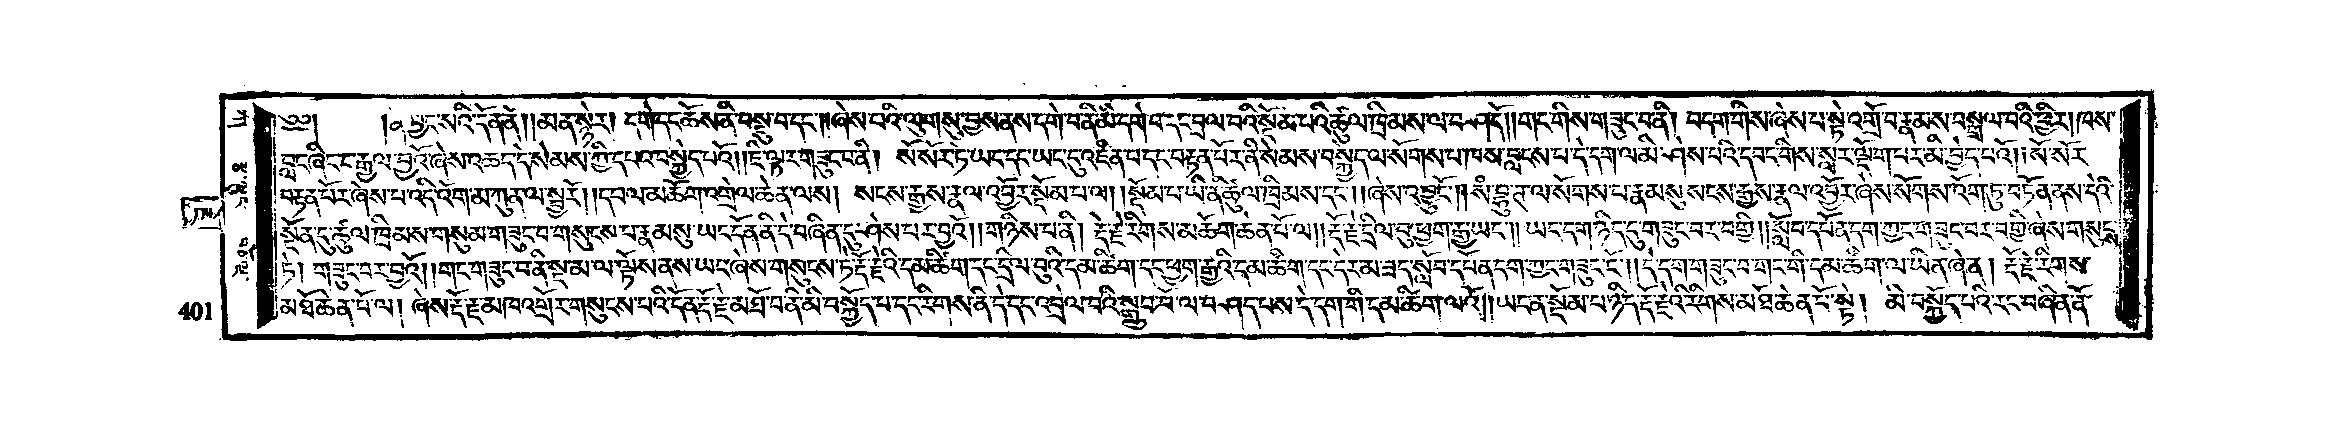༄༅། །ནི་བྱང་སའི་དོན་ནོ། །མན་སྙེར། དགེ་དང་ཆོས་ནི་བསྡུ་བ་དང་། །ཞེས་པའི་ལུགས་སུ་བྱས་ནས་དགེ་བ་ནི་མི་དགེ་བ་དང་བྲལ་བའི་སྡོམ་པའི་ཚུལ་ཁྲིམས་ལ་བཤད་དོ། །གང་གིས་གཟུང་བ་ནི། བདག་གིས་ཞེས་པ་སྟེ་འགྲོ་བ་རྣམས་བསྒྲལ་བའི་ཕྱིར། ཁས་
བླང་ཞིང་ང་རྒྱལ་བྱའོ་ཞེས་འཆད་དེ་སེམས་ཀྱི་དཔའ་བསྐྱེད་པའོ། །ཇི་ལྟར་གཟུང་བ་ནི། སོ་སོར་ཏེ་ཡང་དང་ཡང་དུ་འཛིན་པ་དང་བརྟན་པོར་ནི་སེམས་བསྐྱེད་ལ་སོགས་པ་ཁས་བླངས་པ་དེ་དག་ལ་མི་ཤེས་པའི་དབང་གིས་སླར་ལྡོག་པར་མི་བྱེད་པའོ། །སོ་སོར་
བརྟན་པོར་ཞེས་པ་འདི་འོག་མ་ཀུན་ལ་སྦྱར་རོ། །དཔལ་མཆོག་འགྲེལ་ཆེན་ལས། སངས་རྒྱས་རྣལ་འབྱོར་སྡོམ་པ་ལ། །སྡོམ་པ་ཡི་ནི་ཚུལ་ཁྲིམས་དང་། །ཞེས་འབྱུང་ངོ། །སཾ་བྷུ་ཊ་ལ་སོགས་པ་རྣམས་སུ་སངས་རྒྱས་རྣལ་འབྱོར་ཞེས་སོགས་འོག་ཏུ་བཏོན་ནས་དེའི་
སྔོན་དུ་ཚུལ་ཁྲིམས་གསུམ་གཟུང་བ་གསུངས་པ་རྣམས་སུ་ཡང་དོན་ནི་དེ་བཞིན་དུ་ཤེས་པར་བྱའོ། །གཉིས་པ་ནི། རྡོ་རྗེ་རིགས་མཆོག་ཆེན་པོ་ལ། །རྡོ་རྗེ་དྲིལ་བུ་ཕྱག་རྒྱ་ཡང་། །ཡང་དག་ཉིད་དུ་གཟུང་བར་བགྱི། །སློབ་དཔོན་དག་ཀྱང་གཟུང་བར་བགྱི་ཞེས་གསུངས་
ཏེ། གཟུང་བར་བྱའོ། །གང་གཟུང་བ་ནི་སྔ་མ་ལ་ལྟོས་ནས་ཡང་ཞེས་གསུངས་ཏེ་རྡོ་རྗེའི་དམ་ཚིག་དང་དྲིལ་བུའི་དམ་ཚིག་དང་ཕྱག་རྒྱའི་དམ་ཚིག་དང་དེར་མ་ཟད་སློབ་དཔོན་དག་ཀྱང་གཟུང་ངོ། །དེ་དག་གཟུང་བ་གང་གི་དམ་ཚིག་ལ་ཡིན་ཞེ་ན། རྡོ་རྗེ་རིགས་
མཐོ་ཆེན་པོ་ལ། ཞེས་རྡོ་རྗེ་མཁའ་འགྲོར་གསུངས་པའི་དོན་རྡོ་རྗེ་མཐོ་བ་ནི་མི་བསྐྱོད་པ་དང་རིགས་ནི་དེ་དང་འབྲེལ་བའི་སྒྲུབ་པོ་ལ་བཤད་པས་དེ་དག་གི་དམ་ཚིག་ལའོ། །ཡང་ན་སྡོམ་པ་ཉིད་རྡོ་རྗེའི་རིགས་མཐོ་ཆེན་པོ་སྟེ། མི་བསྐྱོད་པའི་རང་བཞིན་ནོ་